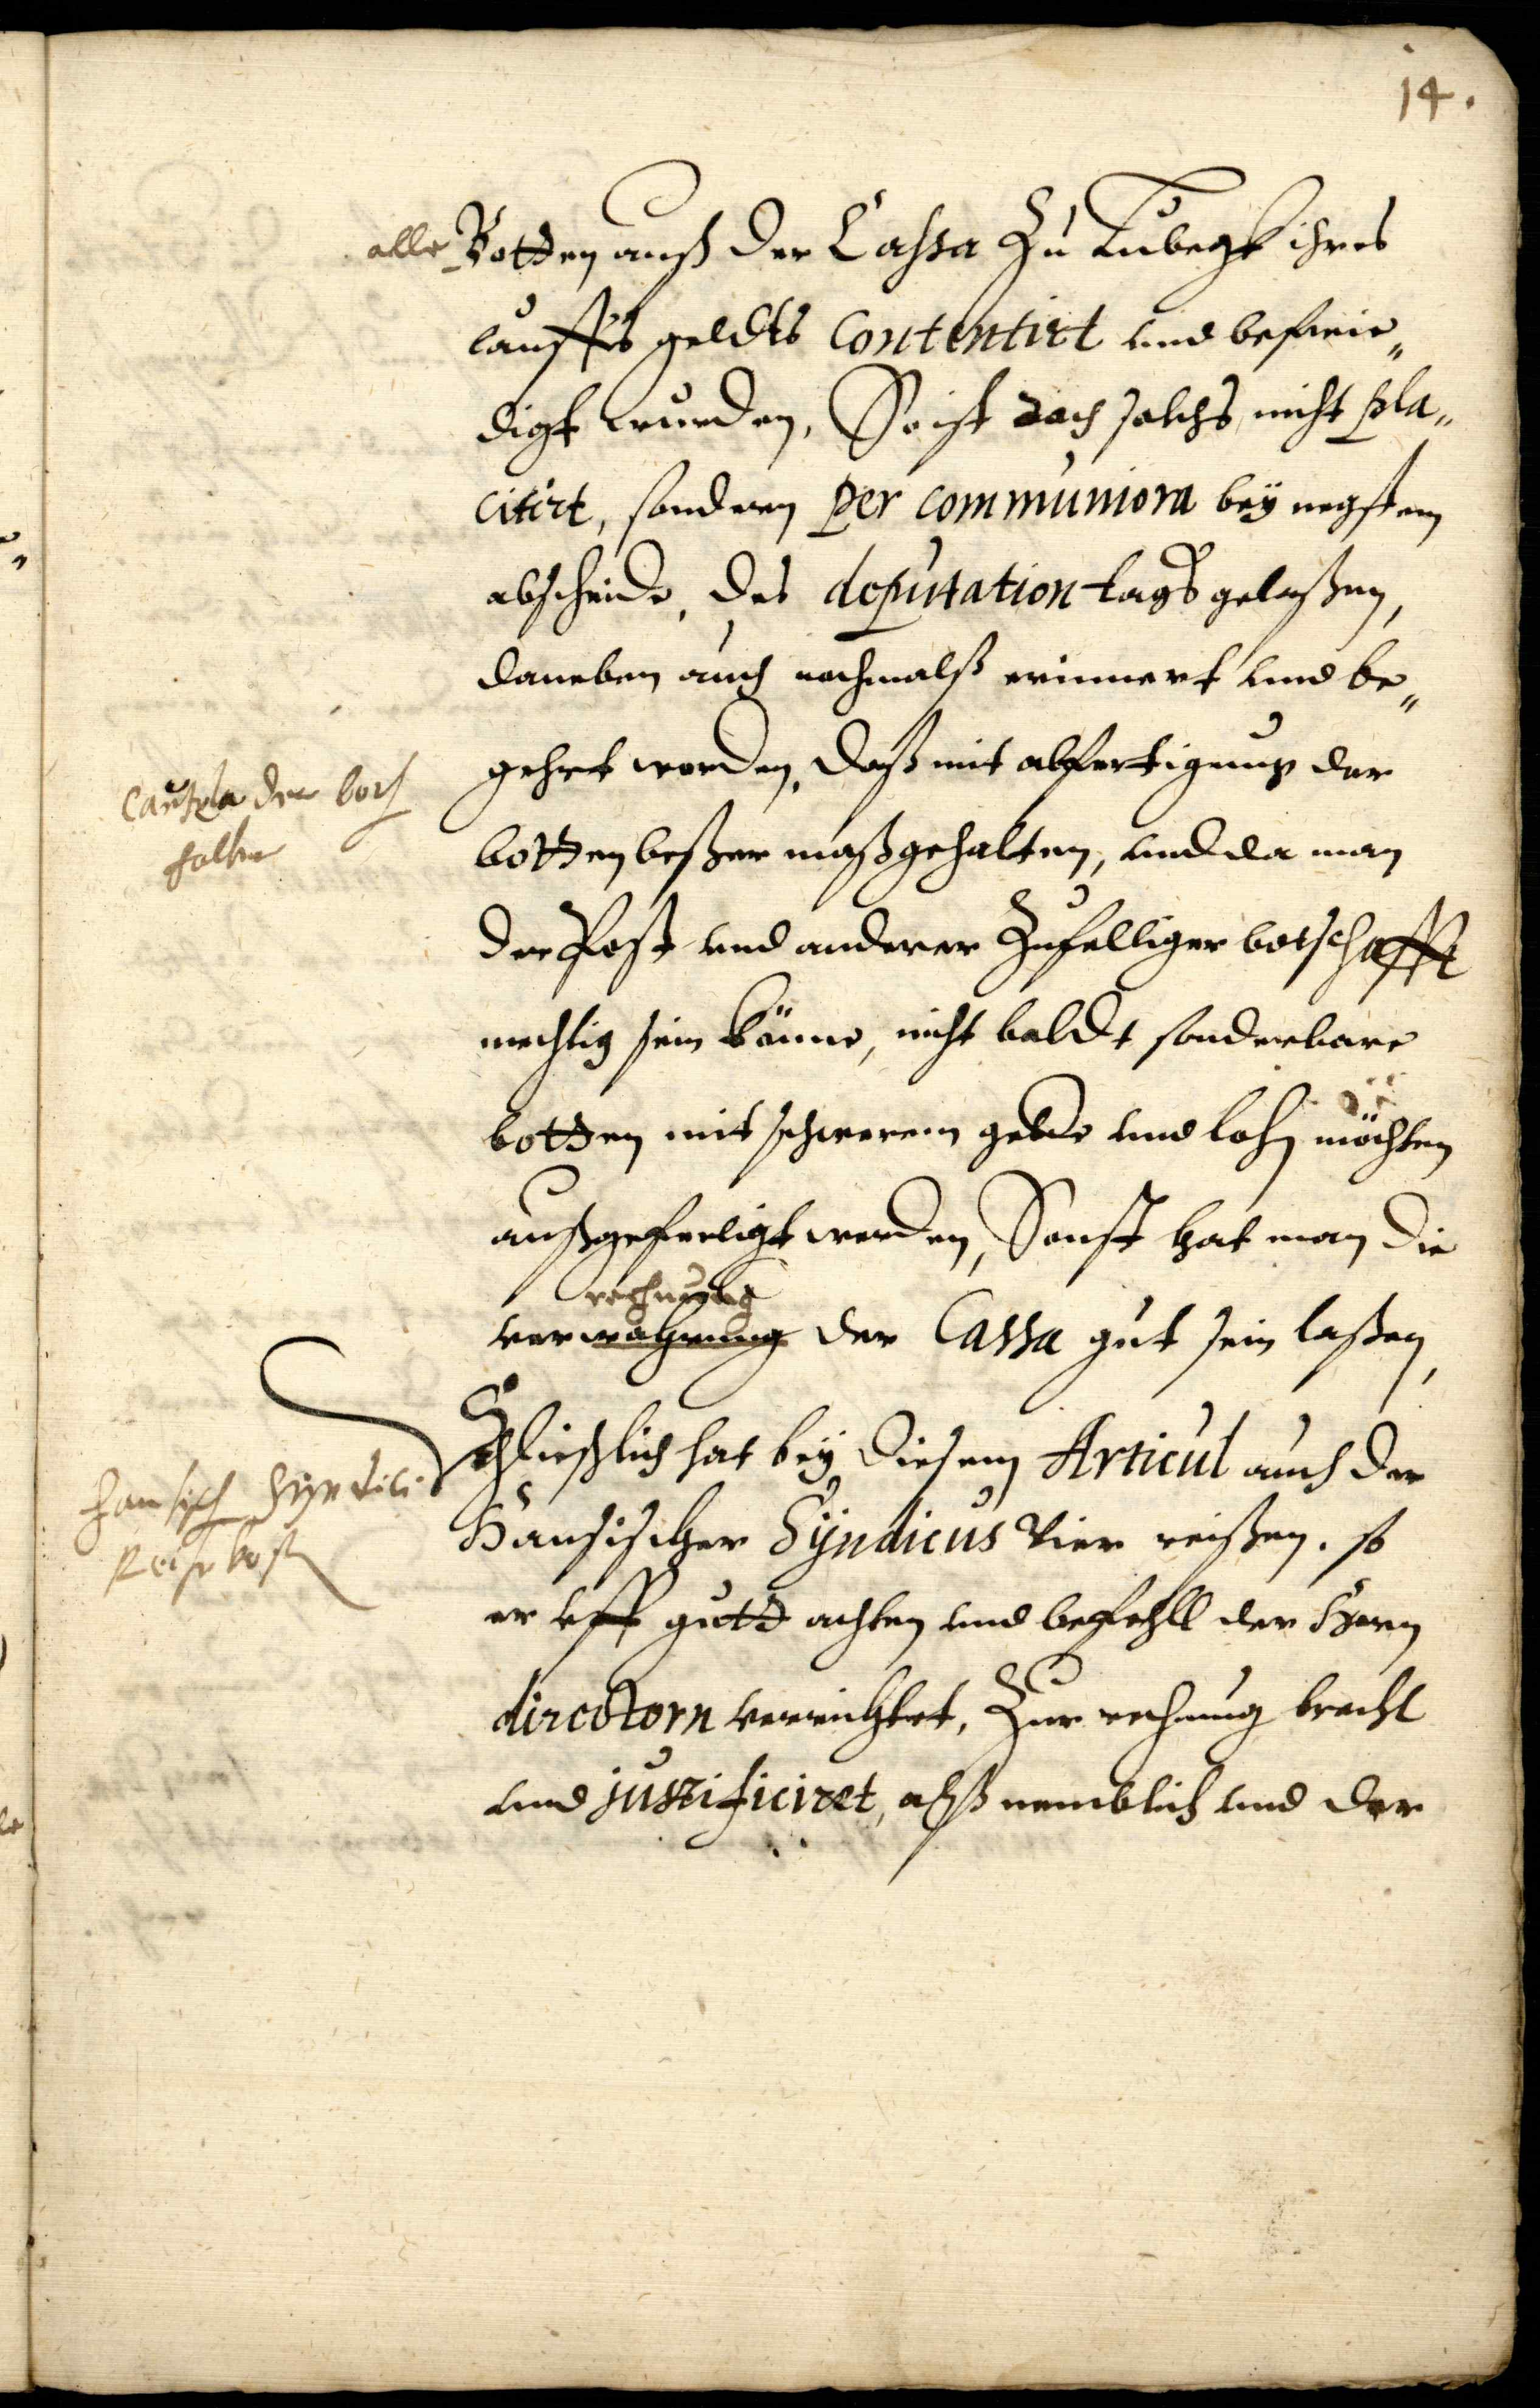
14.
alle Bothen auß der Cassa zu Lubegk ihres
lauffs geldts contentirt vnd befrie¬
digt wurden, So ist doch solchs nicht pla¬
citirt, sondern per communiora beij negstem
abscheide, des deputation tags gelaßen,
daneben auch nochmalß erinnert vnd be¬
gehrt worden, daß mit abfertigung der
bothen beßer maßgehalten, vnd da man
der Post vnd anderer zufelliger botschafft
mechtig sein könne, nicht baldt sonderbare
bothen mit schwerem gelde vnd lohn möchten
außgefertigt werden, Sonst hat man die
verwahrungrechnung der Cassa gut sein laßen,
causula der bothen
halber
hansischen Syndici
Reise kosten
Schließlich hat beij diesem Articul auch der
Hansisicher Sijndicus vier reißen, so
er vff guth achten vnd befehll der Hern
directorn verrichtet, zur rechung bracht
vnd justificiret, alß nemblich vnd der
